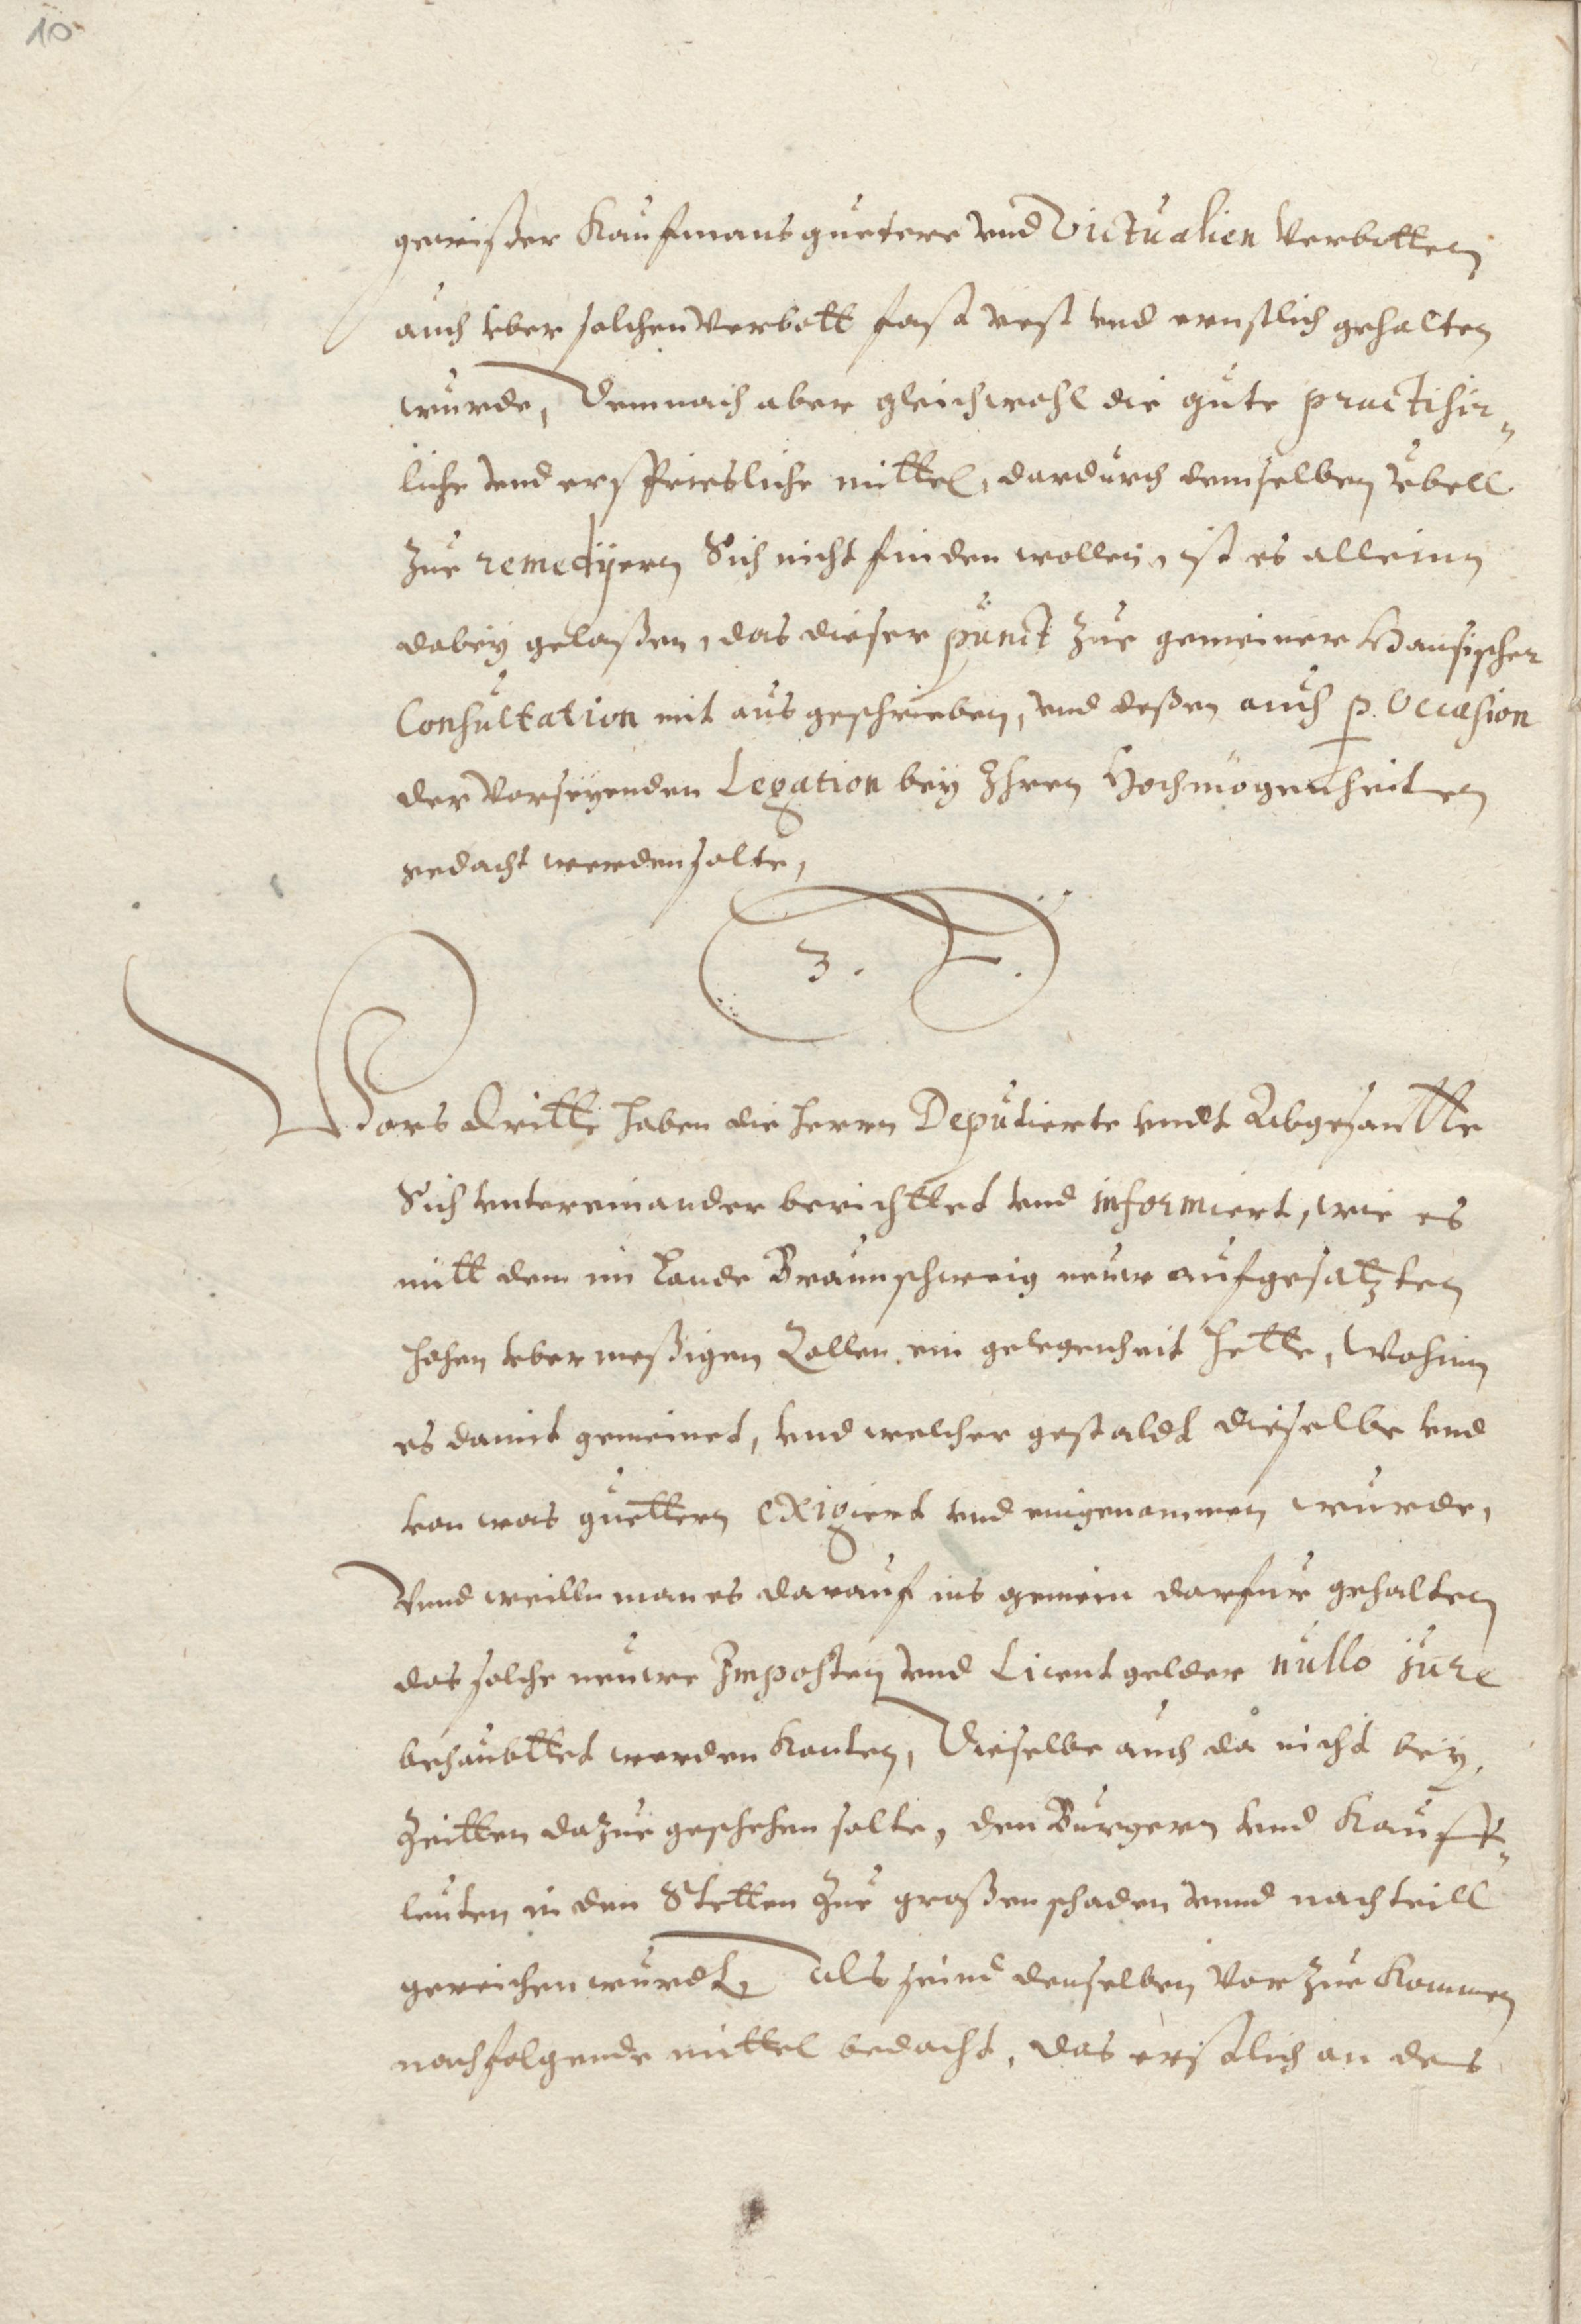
gewißer Kaufmans guetere vnd Victualien verbotten
auch vber solchen Verbott fast vest vnd ernstlich gehalten
wurde, demnach aber gleichwohl die gute practisier¬
liche vnd erspriesliche mittel, dardurch demselben vbell
zue remedijern sich nicht finden wollen, ist es alleinn
dabeij gelaßen, das dieser punct zue gemeiner Hansischer
Consultation mit ausgeschrieben, vnd deßen auch per Occasion
der Vorfeijenden Legation beij Ihren Hochmögenheiten
gedacht werden solte,
3.
Vors dritte haben die herrn Deputierte vndt Abgesantte
Sich vntereinander berichttet vnd informiert, wie es
mitt dem im Lande Braunschweig neuw aufgesatzten
hohen vbermeßigen Zollen ein gelegenheit hette, Wohinn
es damit gemeinet, vnd welcher gestaldt dieselbe vnd
von was guettern exigiert vnd eingenommen wurde,
vnnd weilln man es darauf ins gemein darfur gehalten
das solche neuwe Imposten vnd Licentgelder nullo iure
behaubttet werden konten, Dieselben auch da nicht beij
Zeitten dazue geschehen solte, den Burgern vnd Kauff¬
leuten in den Stetten zue großen schaden vnnd nachteill
gereichen wurdt, Als seind denselben vorzuekommen
nachfolgende mittel bedacht, das erstlich an des
